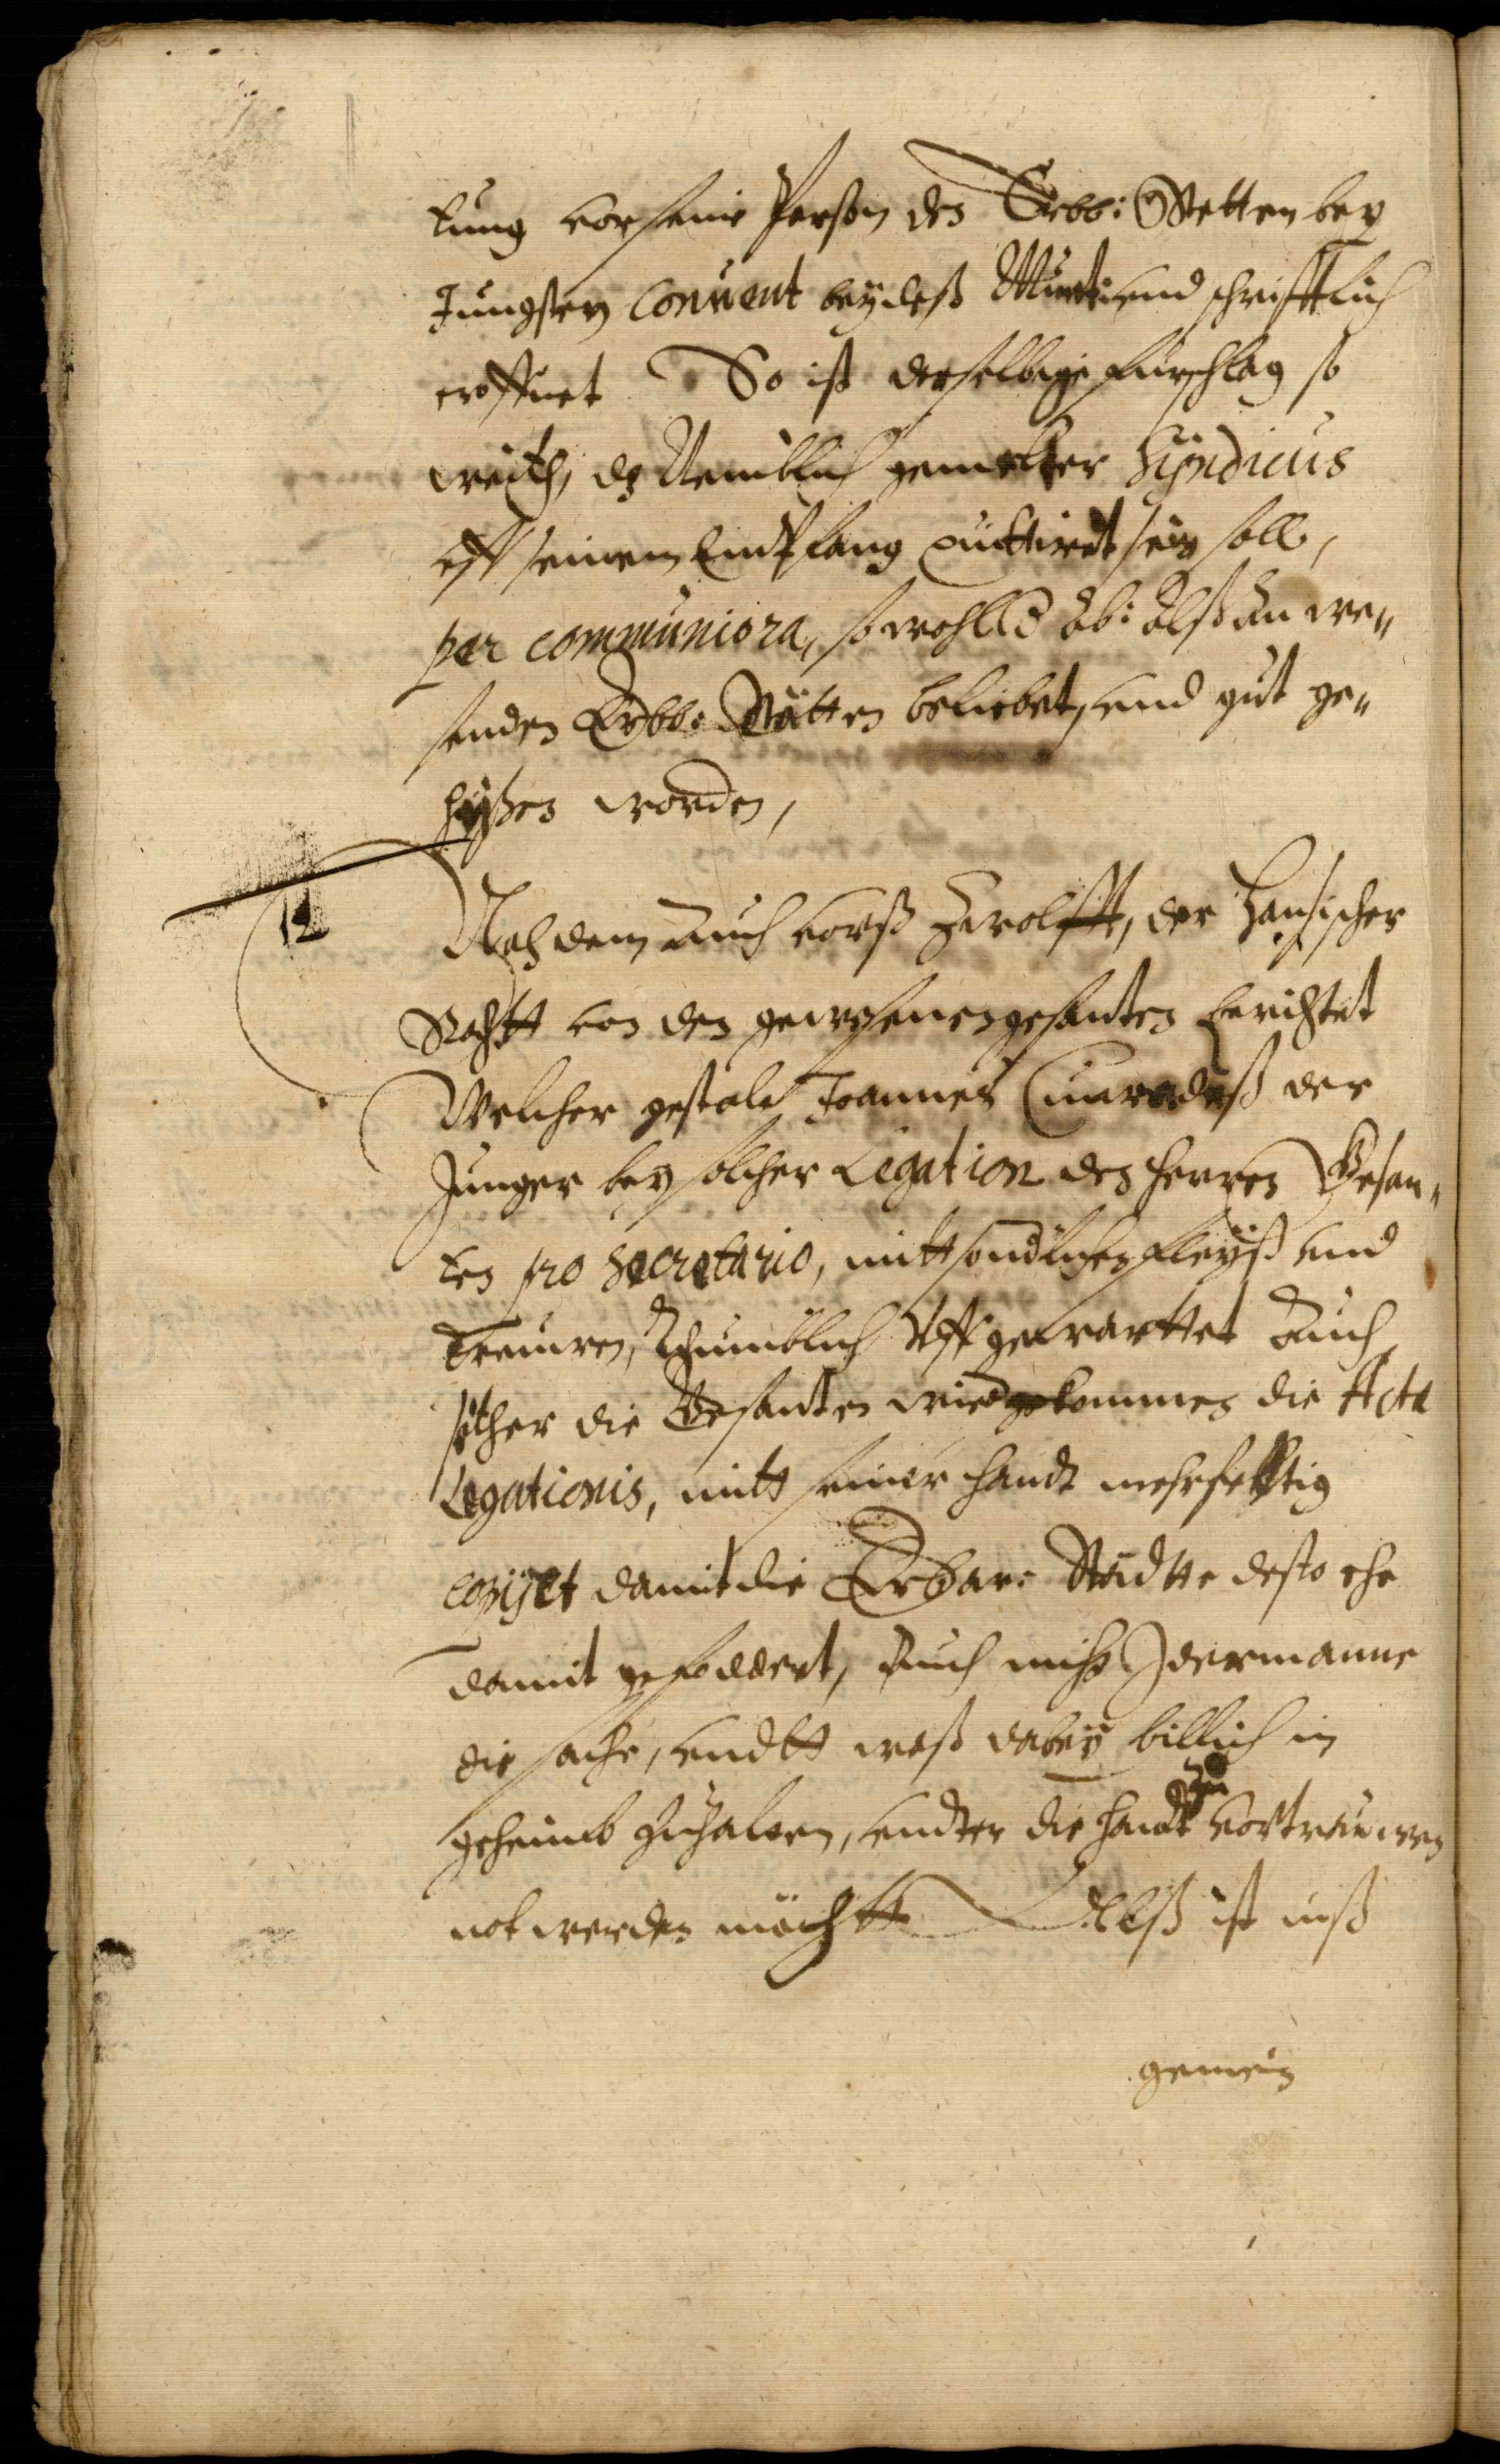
tung vor seine Person den Erbb: Stetten bey
Iungsten Conuent beij deß Munt: vnd schriftlich
eroffnet So ist derselbige furschlag so
weith, das Nemblich gemelter Syndicus
vff seinem Empfang quittiret sein soll,
per communiora, so wohl der Ab: Alß An we¬
senden Erbb: Stätten beliebet, vnd gut ge¬
heißen worden,
12
Nach dem Auch vorß zwolfft, der Hansischer
Rahtt von den gewesenen gesanten berichtet
Welcher gestalt Joannes Cunraduß der
Junger beij solcher Legation den herren Gesan¬
ten pro secretario, mitt sonderlichen fleiß vnd
Treuwen, Rhumblich vff gewarttet Auch
seither die Gesanten wiedergekommen die Acta
Legationis, mitt seiner handt mehrfeltig
copijrt damit die Erbar: Städtte desto ehe
damit gefoddert, Auch mith Idermanne
die sache, vndtt waß dabeij billich in
geheimb zuhalten, vndter die handt zu vortrauwen
not werden möchtt Alß ist inß
gemein
